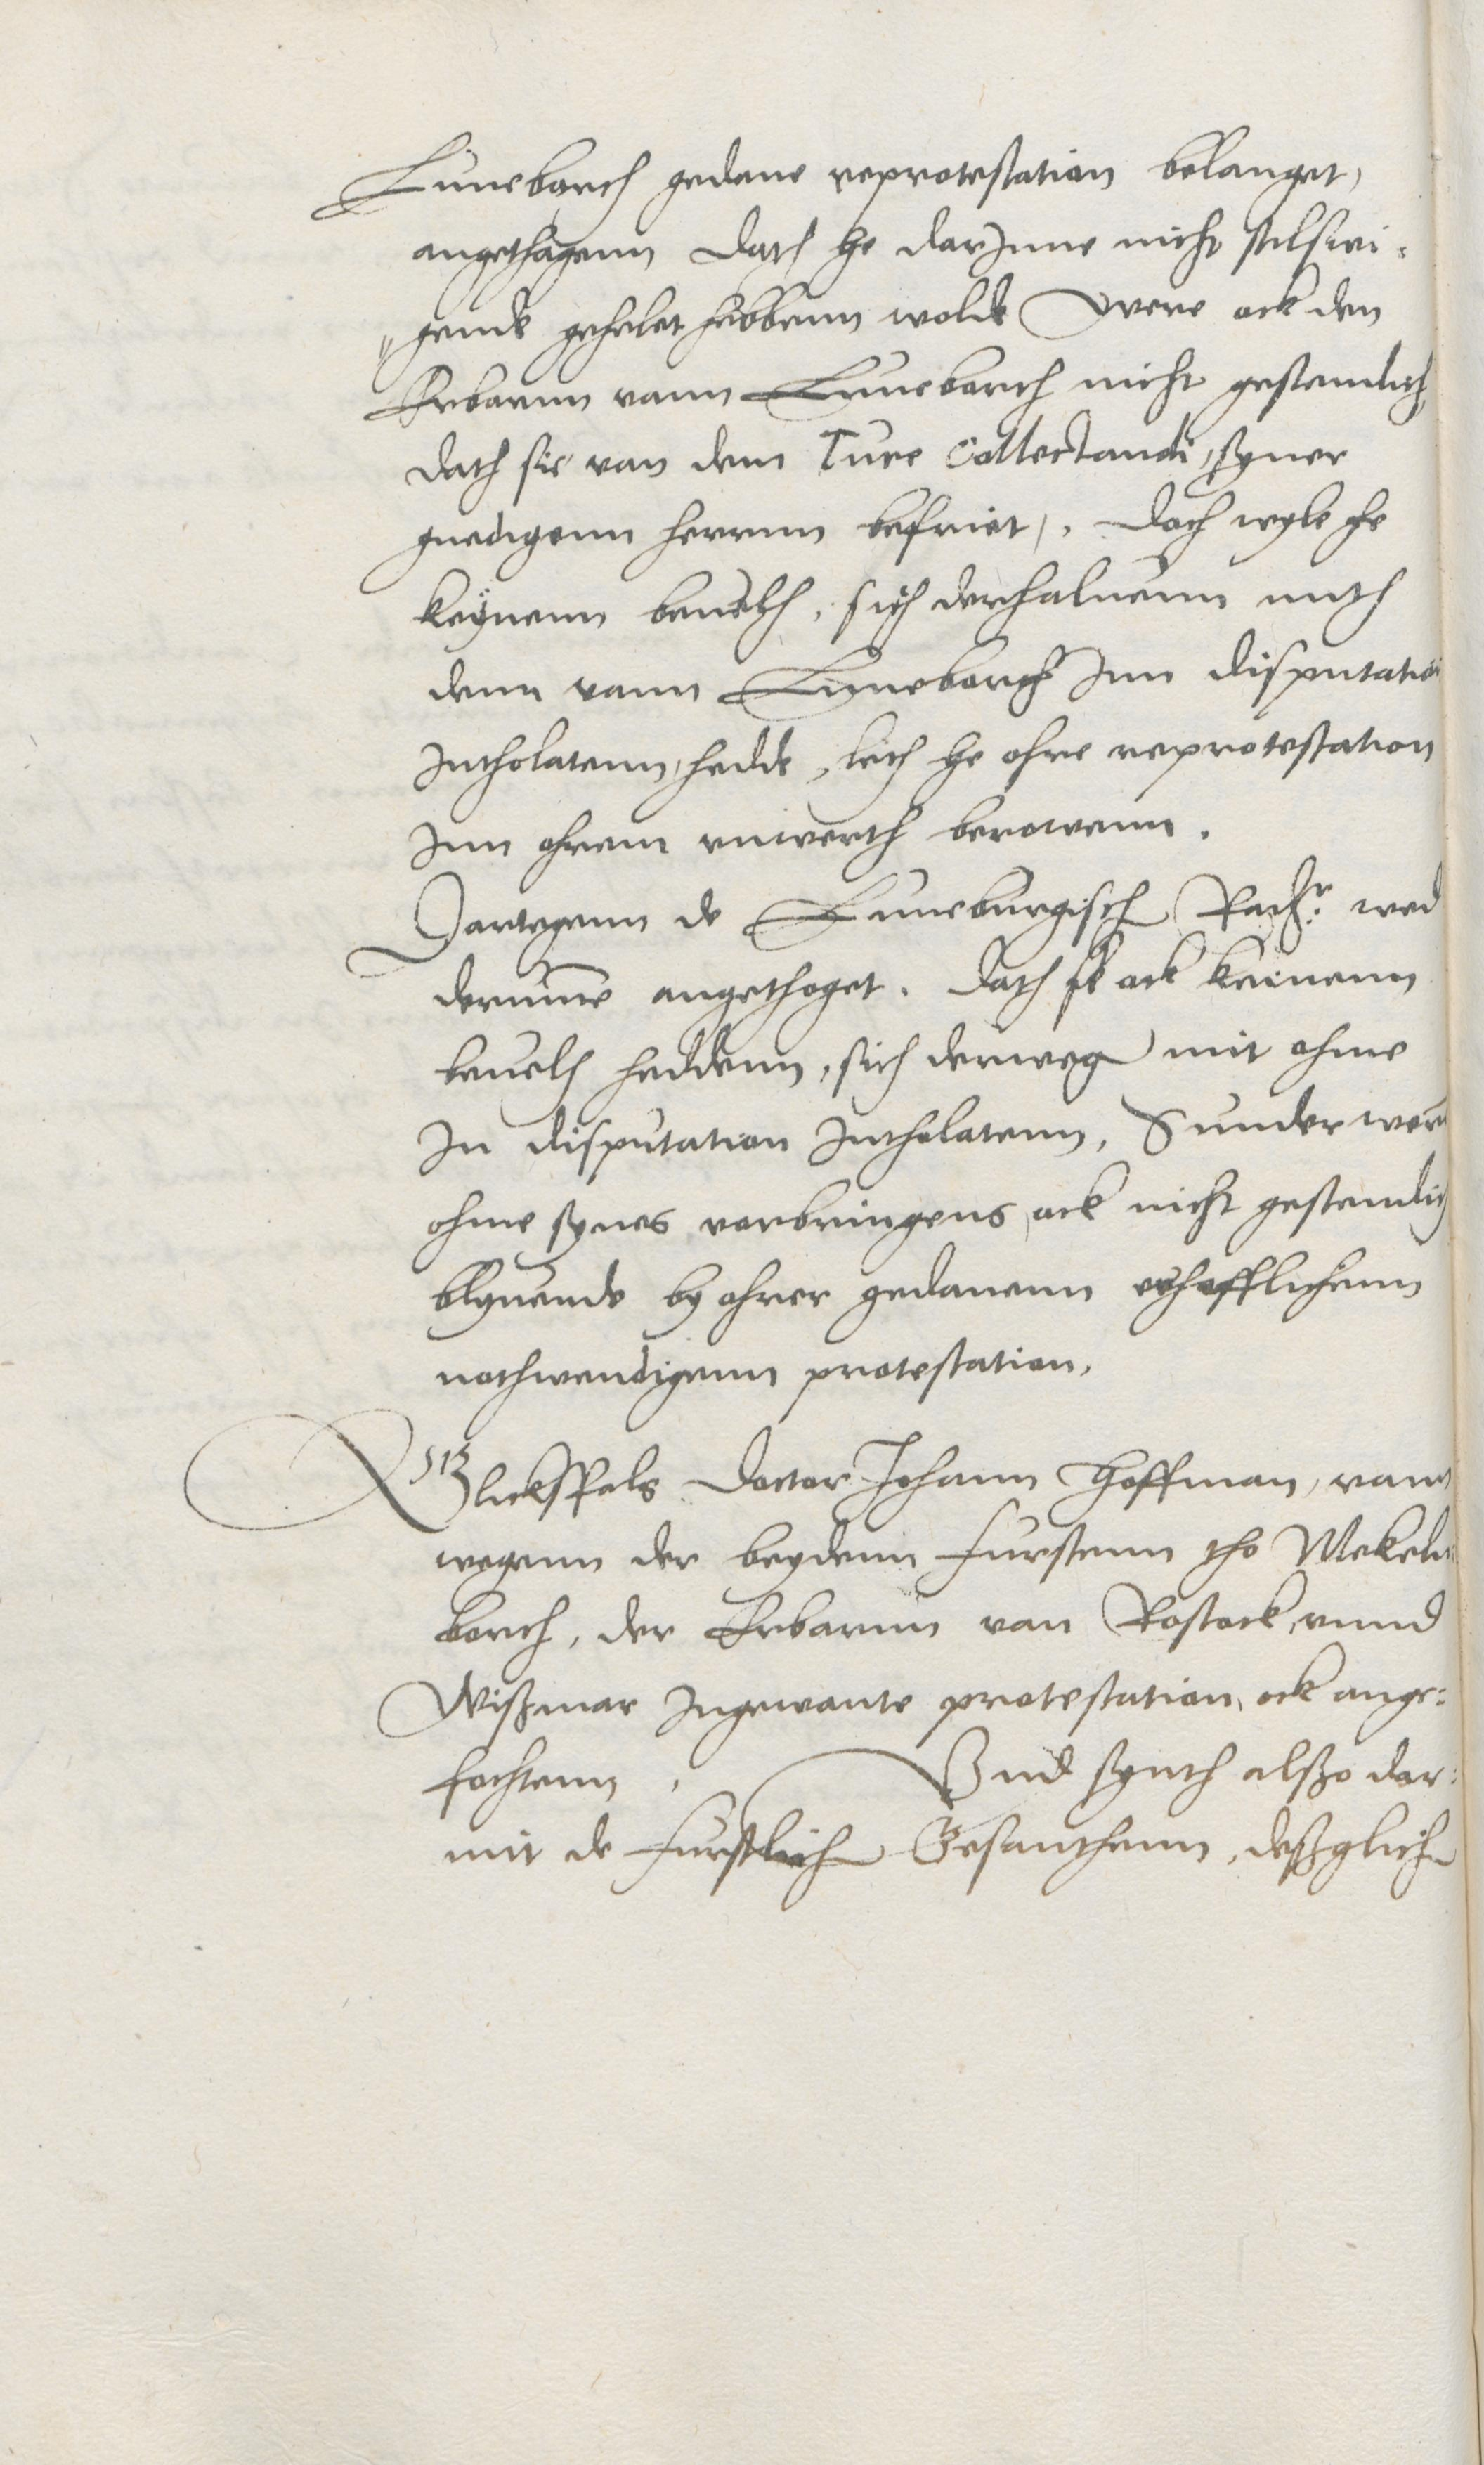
Luneborch gedane reprotestation belanget,
angethogenn dath He darjnne nicht stilswi¬
gende gehelet hebbenn wolde Were ock den
Erbarnn vann Luneborch nicht gestendich
dath sie van dem Ture Collectandi, syner
gnedigenn herrnn befriet, Doch wyle he
keynenn beuelh, sich derhaluenn mith
denn vann Luneborch jnn disputation
jntholatenn hedde, leth He ohre reprotestation
jnn ohrem vnwerth berowenn.
Dartegenn de Luneburgischen Radessendeboden wed
derumme angethoget. dath se ock keinenn
beuelh heddenn, sich derwegen mit ohme
jn disputation jntholatenn, Sunder weren
ohme synes vorbringens, ock nicht gestendich
blyuende by ohrer gedanenn erhafflichenn
nothwendigenn protestation.
Glicksfals Doctor Johann Hoffman, vann
wegenn der beydenn Furstenn tho Mekeln¬
borch, der Erbarnn van Rostock vnnd
Wißmar jngewante protestation, ock ange¬
fochtenn, Vnd synth alßo dar¬
mit de Furstlichen Gesanthenn, deßglichen
